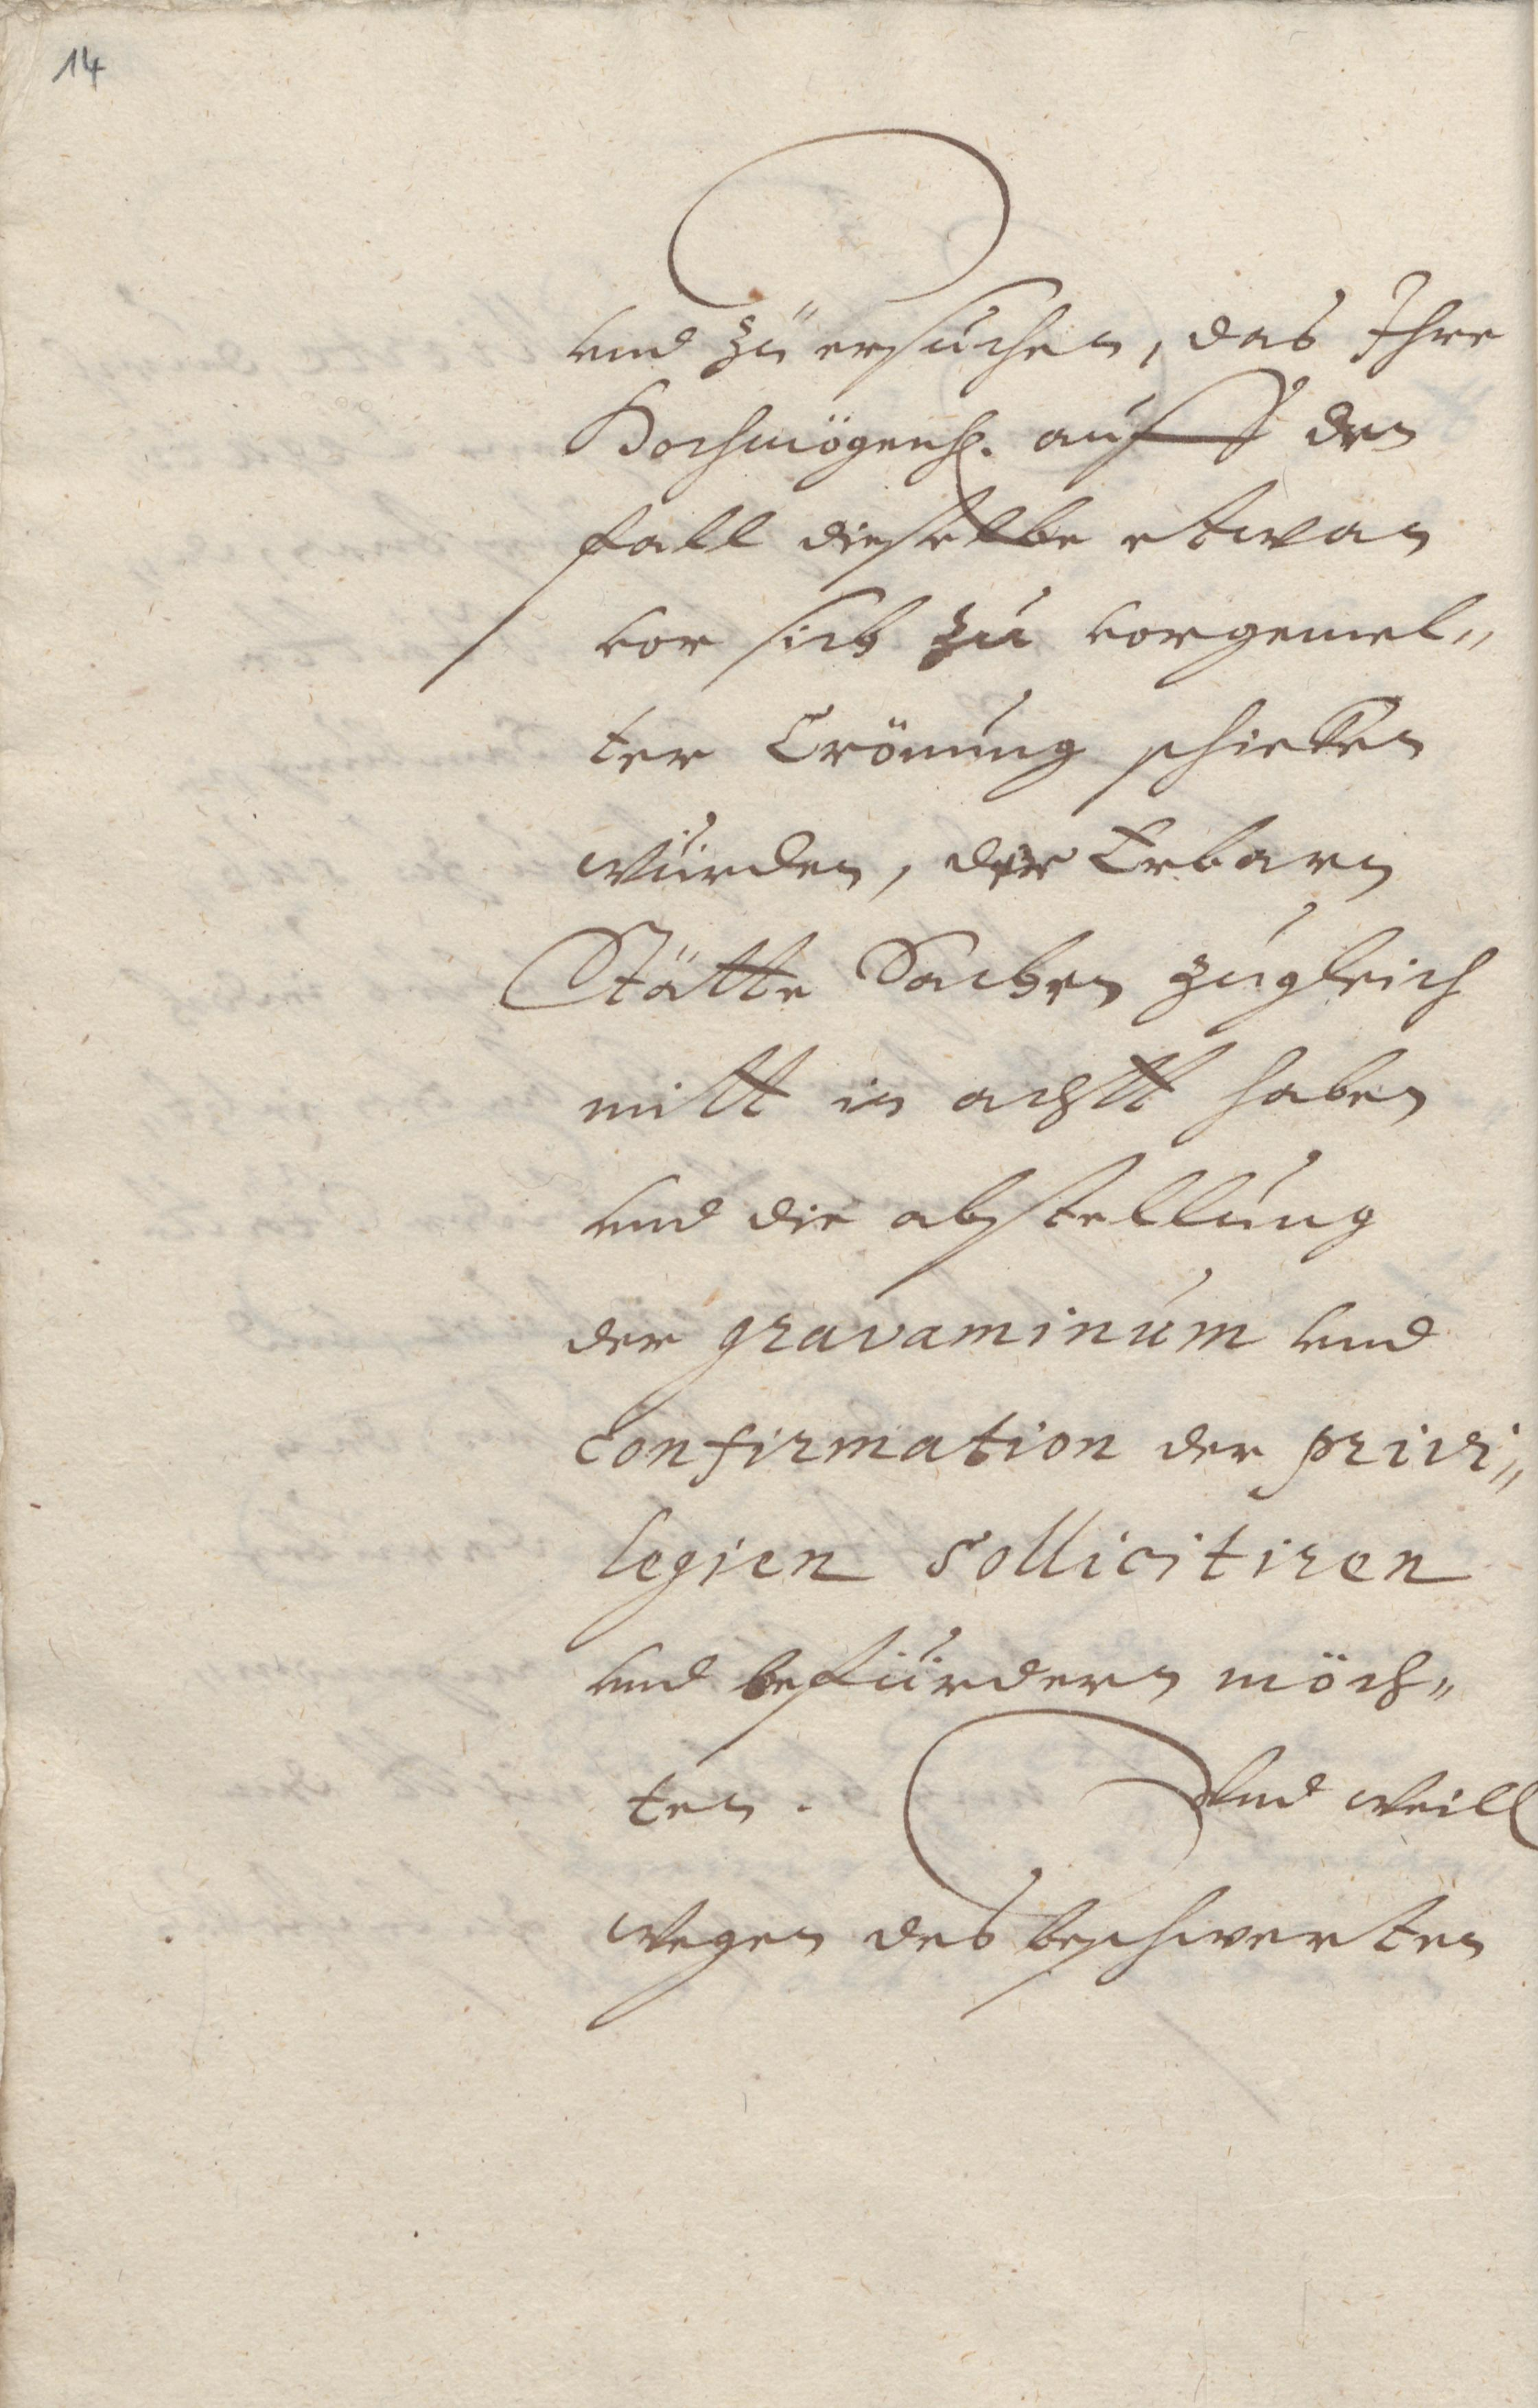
vnd zü ersuchen, das Ihre
Hochmögenhl. auff den
fall dieselbe etwan
vor sich zu vorgemel¬
ter Crönung schicken
würden, der Erbarn
Stätte Sachen zugleich
mitt in acht haben
vnd die abstellung
der gravaminum vnd
confirmation der privi¬
legien sollicitiren
vnd befürdern möch¬
ten. Vnd weill
wegen des beschwerten
